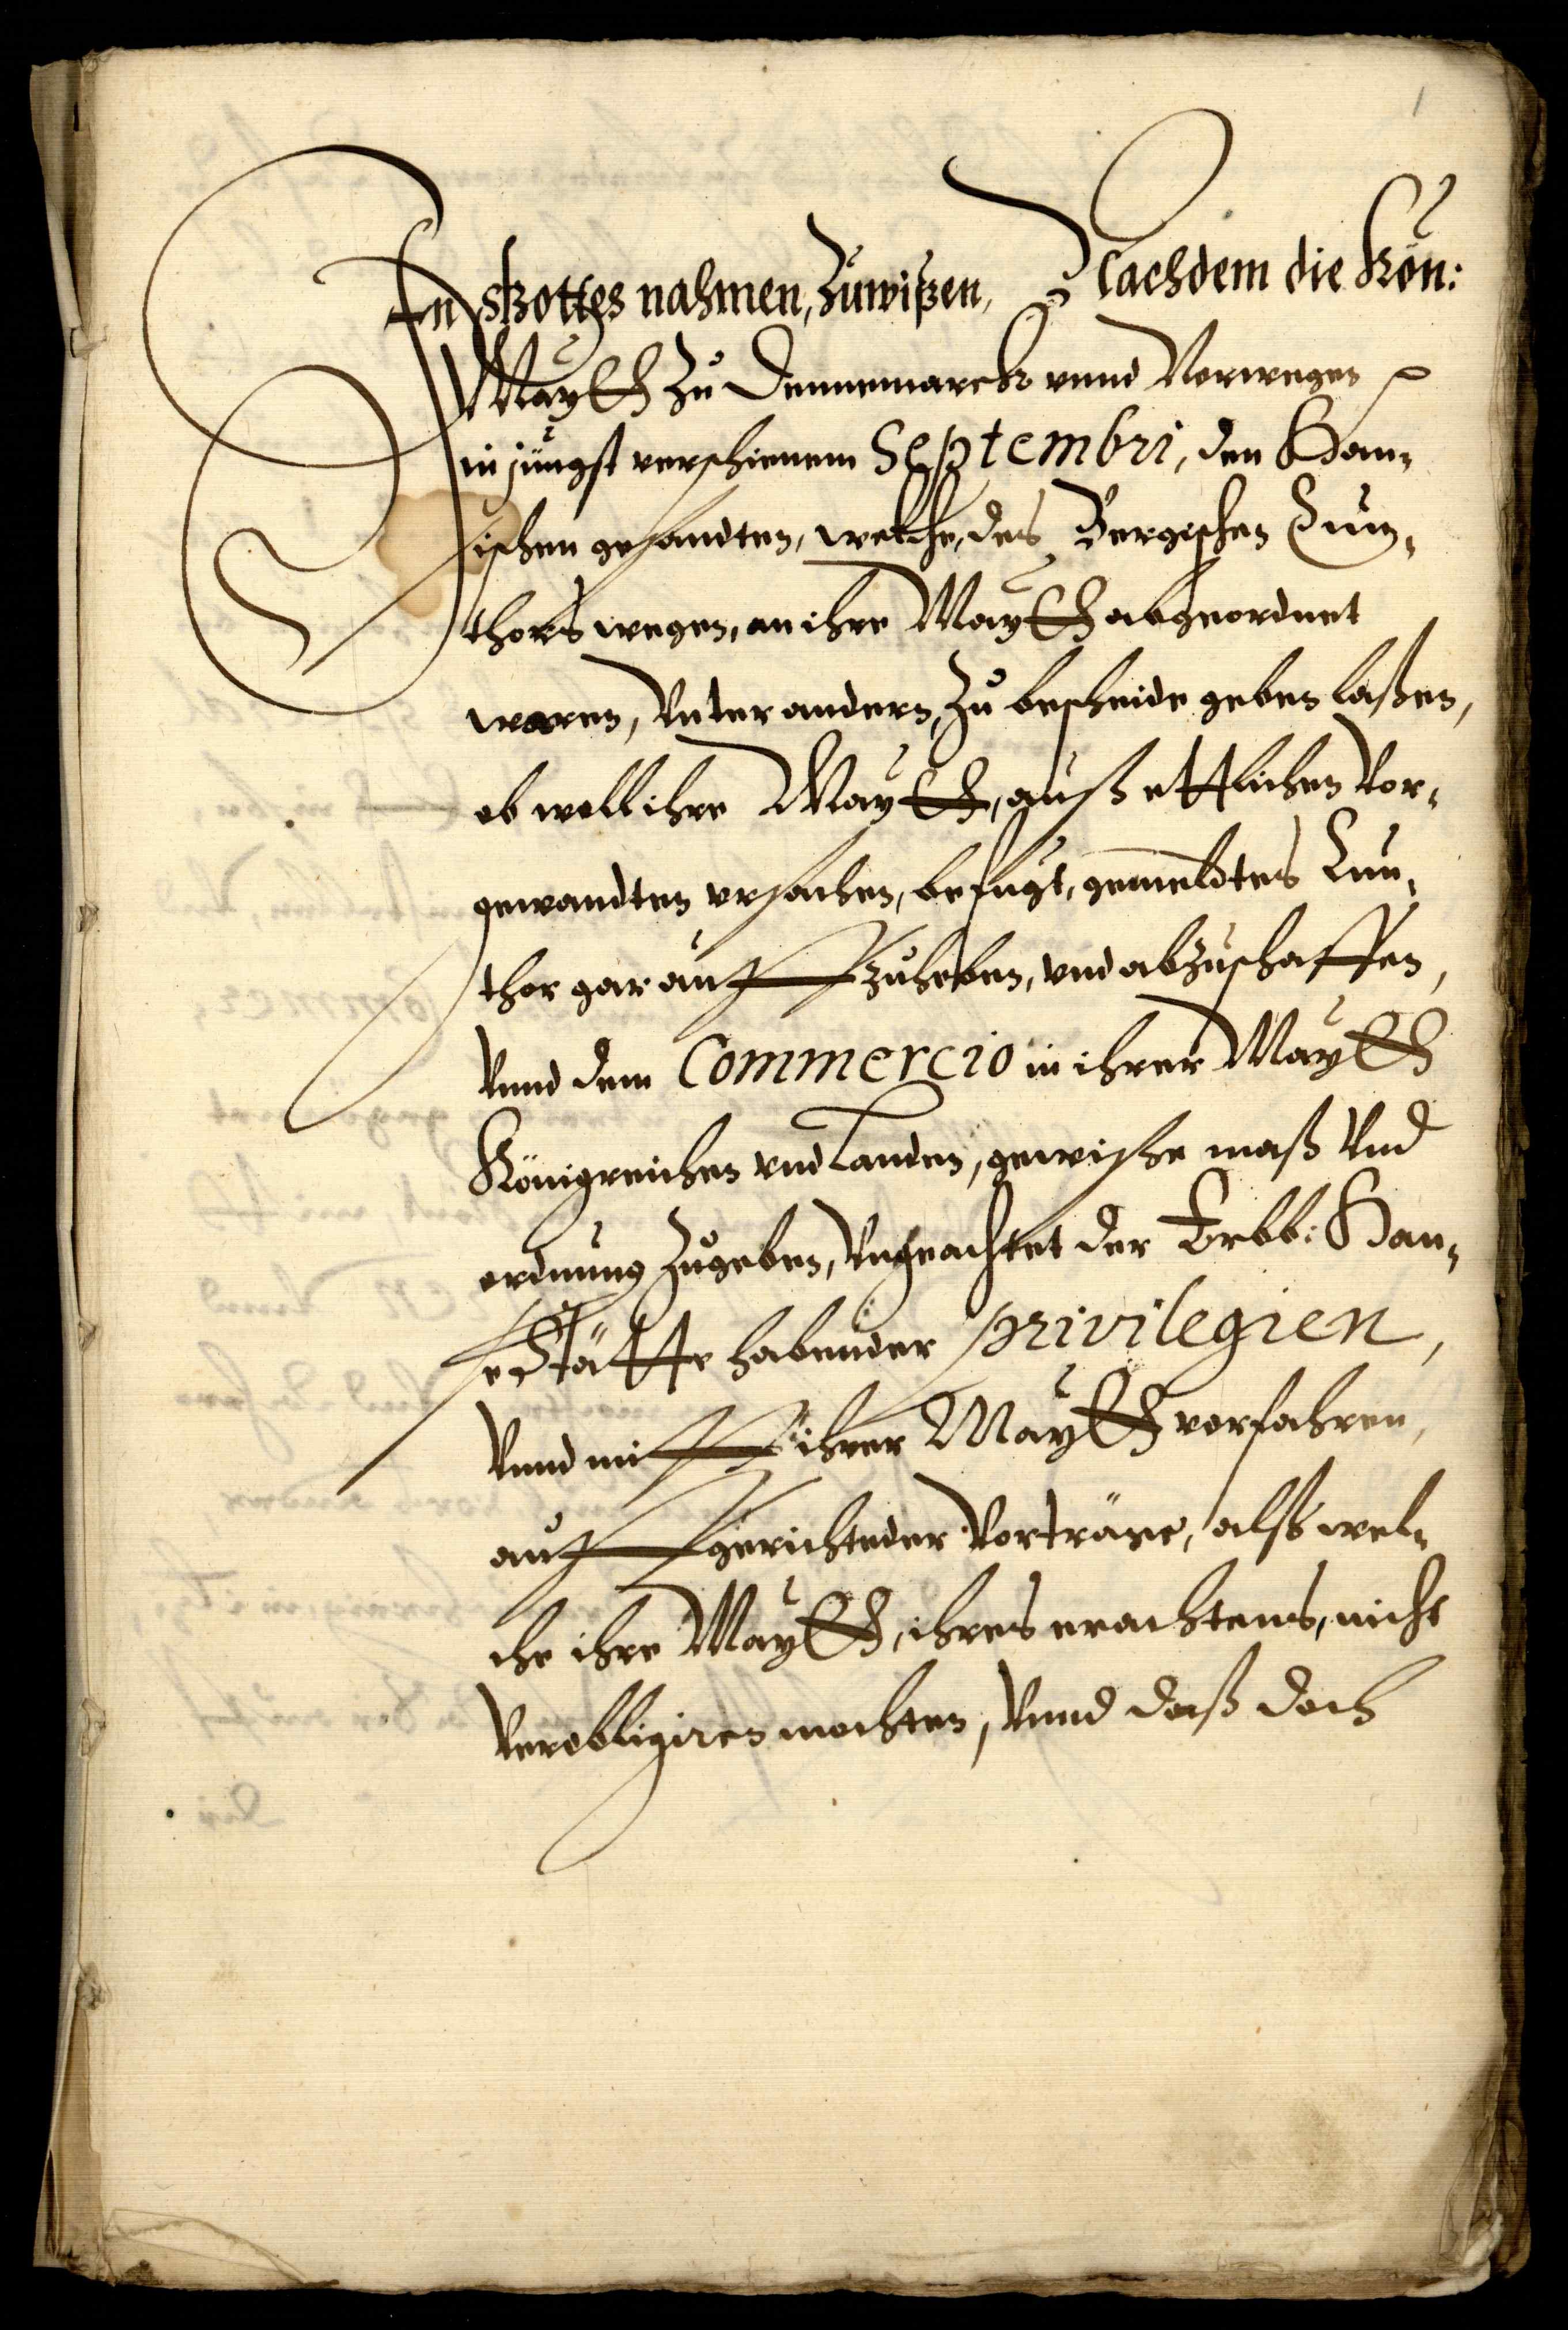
In Gottes nahmen, Zuwißen, Nachdem die Kon:
Maytt zu dennemark vnnd Norwegen p
in jüngst verschienem Septembri, den Han¬
sischen gesandten, welche, des Bergeschen Cun¬
thors wegen, an ihre Maytt abgeordnet
waren, Vnter andern, Zu bescheide geben laßen,
ob wellicher Maytt, auß ettlichen Vor¬
gewandten vrsachen, befugt, gemeldtes Cun¬
thor gar auffzuheben, vnd abzuschaffen,
vnnd dem Commercio in ihrer Maytt
Königreichen vnd Landen, gewiße maß Vnd
ordnung Zugeben, Vngeachtet der Erbb: Han¬
se Stätte habender privilegien,
Vnnd mitt ihrer Maytt vorfahren,
auffgerichteder Vorträge, alß wel¬
che ihre Maytt, ihres erachtens, nicht
Verobligiren mochten, Vnnd daß doch
